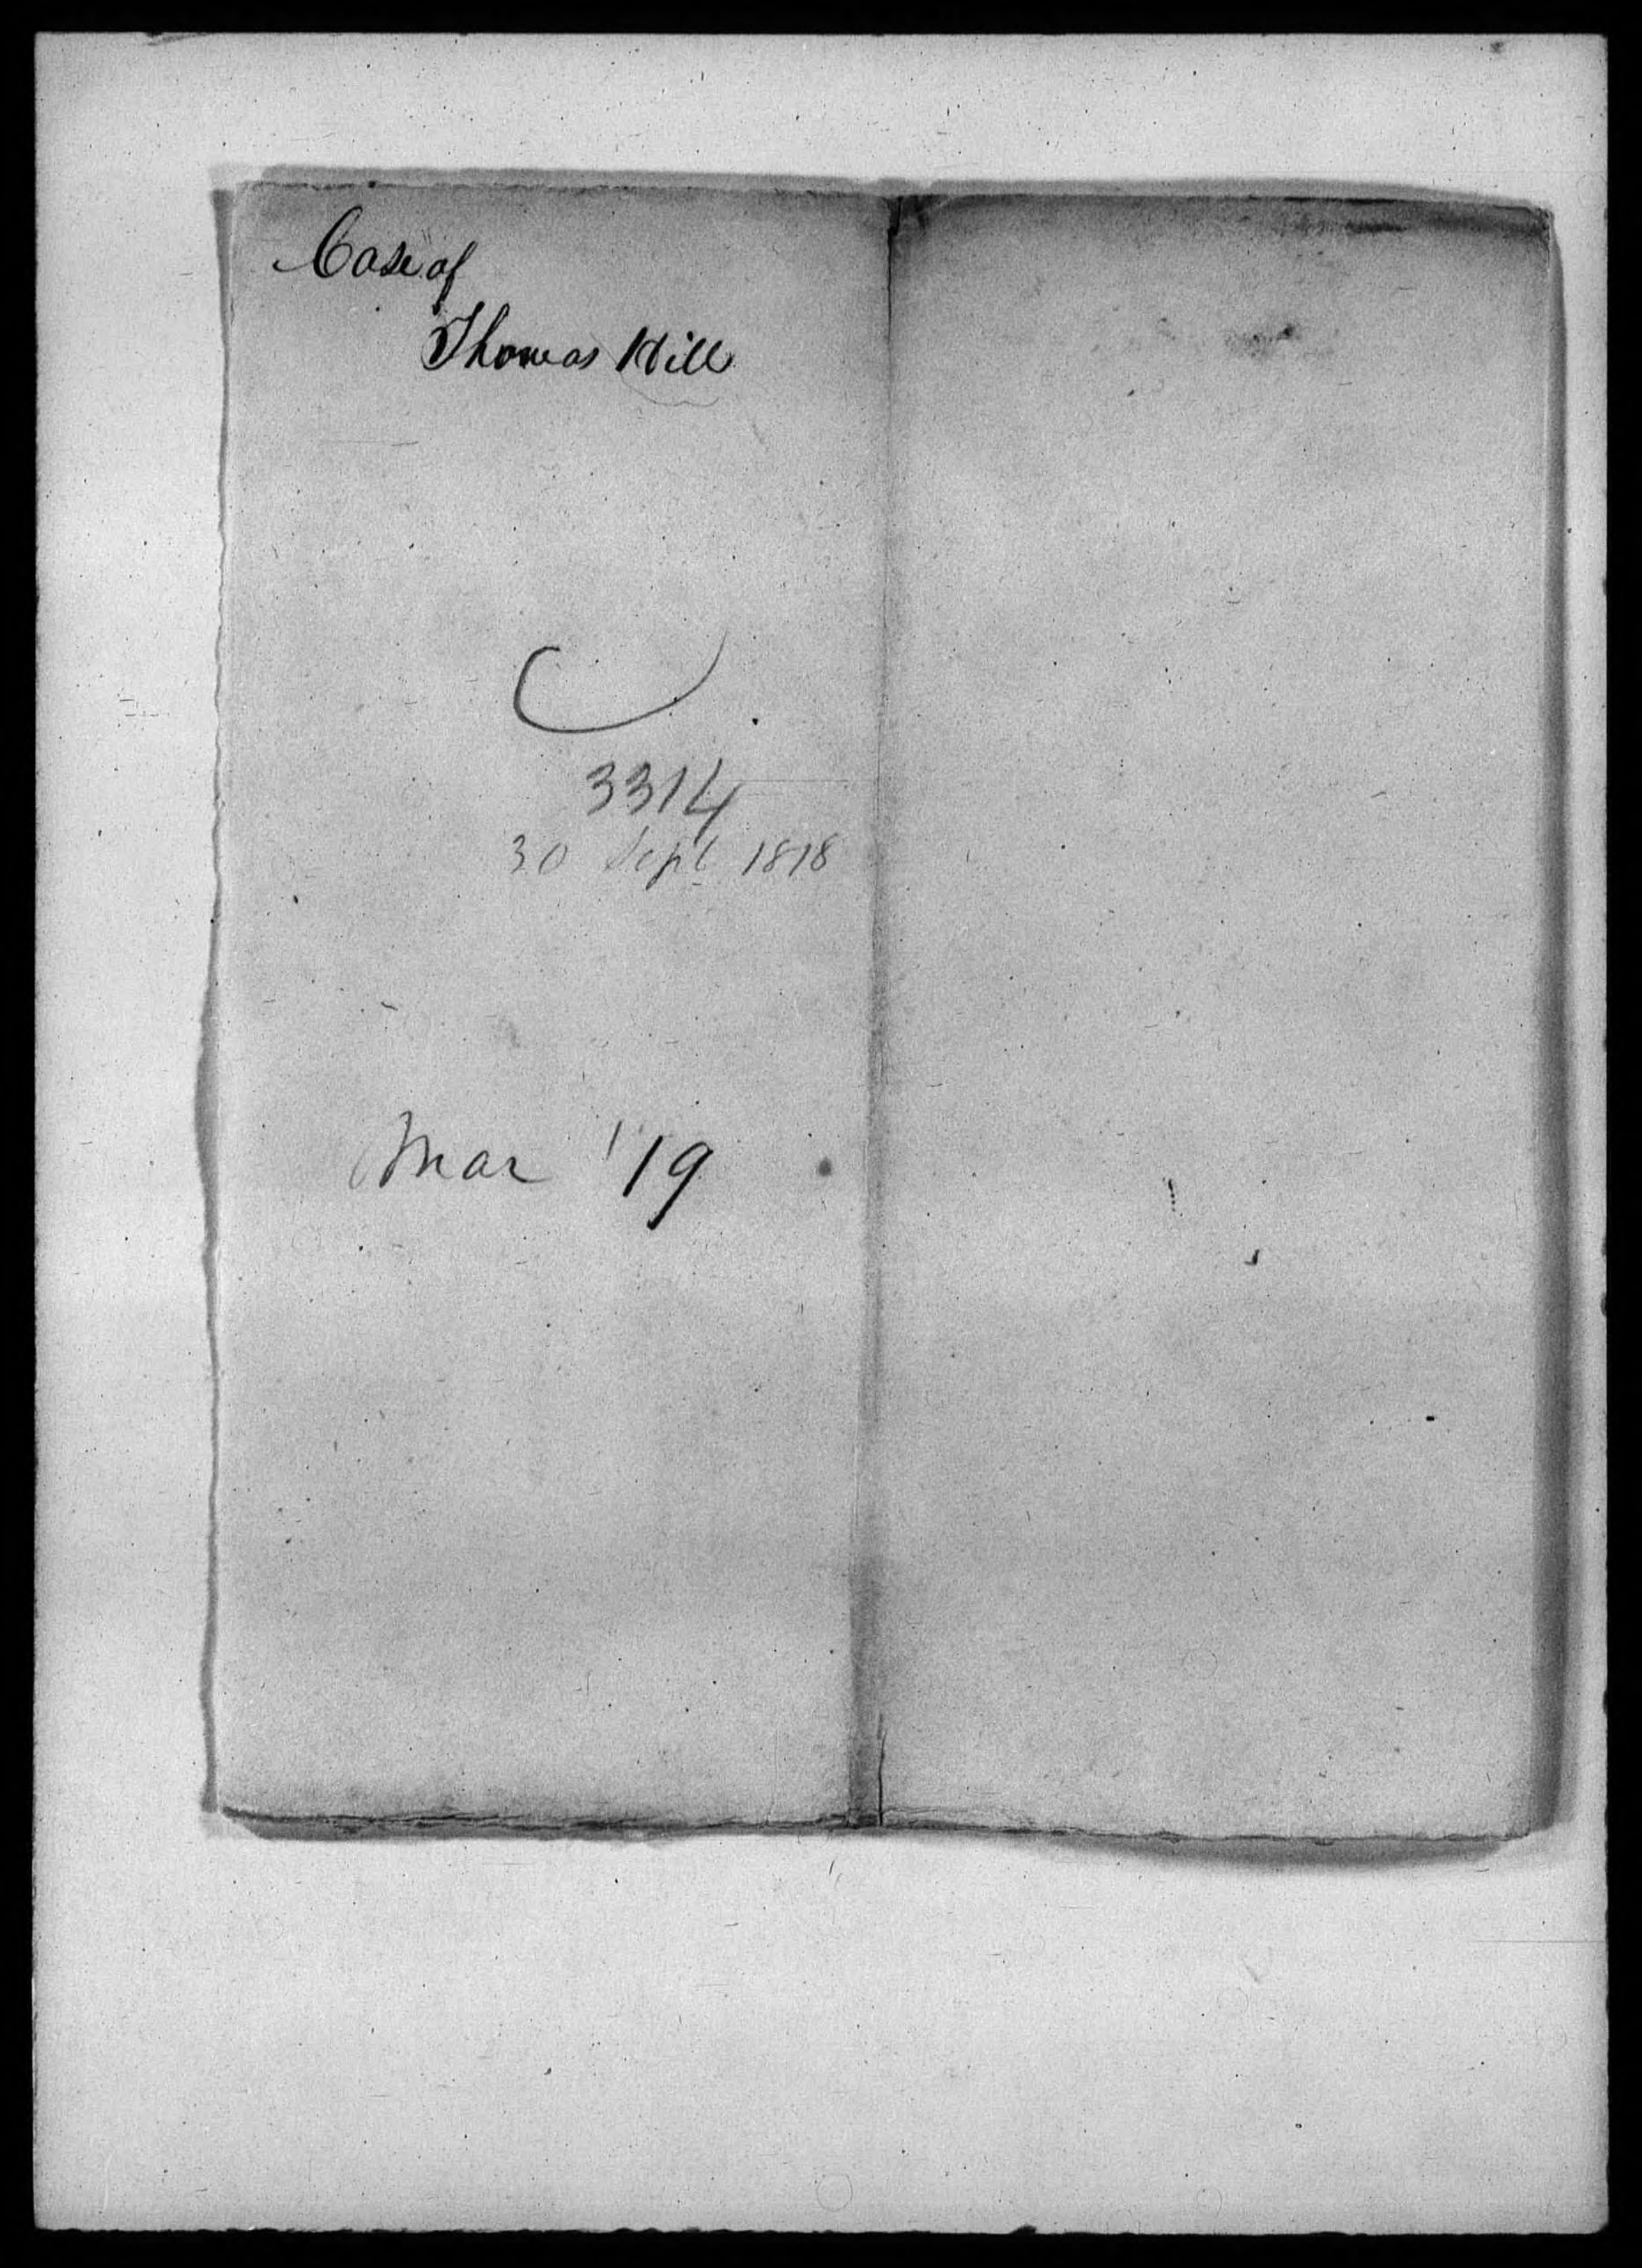Case of
Thomas Hill

3314
30 Sept 1818

Mar '19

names: Thomas Hill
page: 12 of 31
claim: survivor's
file: S. 43672, Thomas Hill, New York